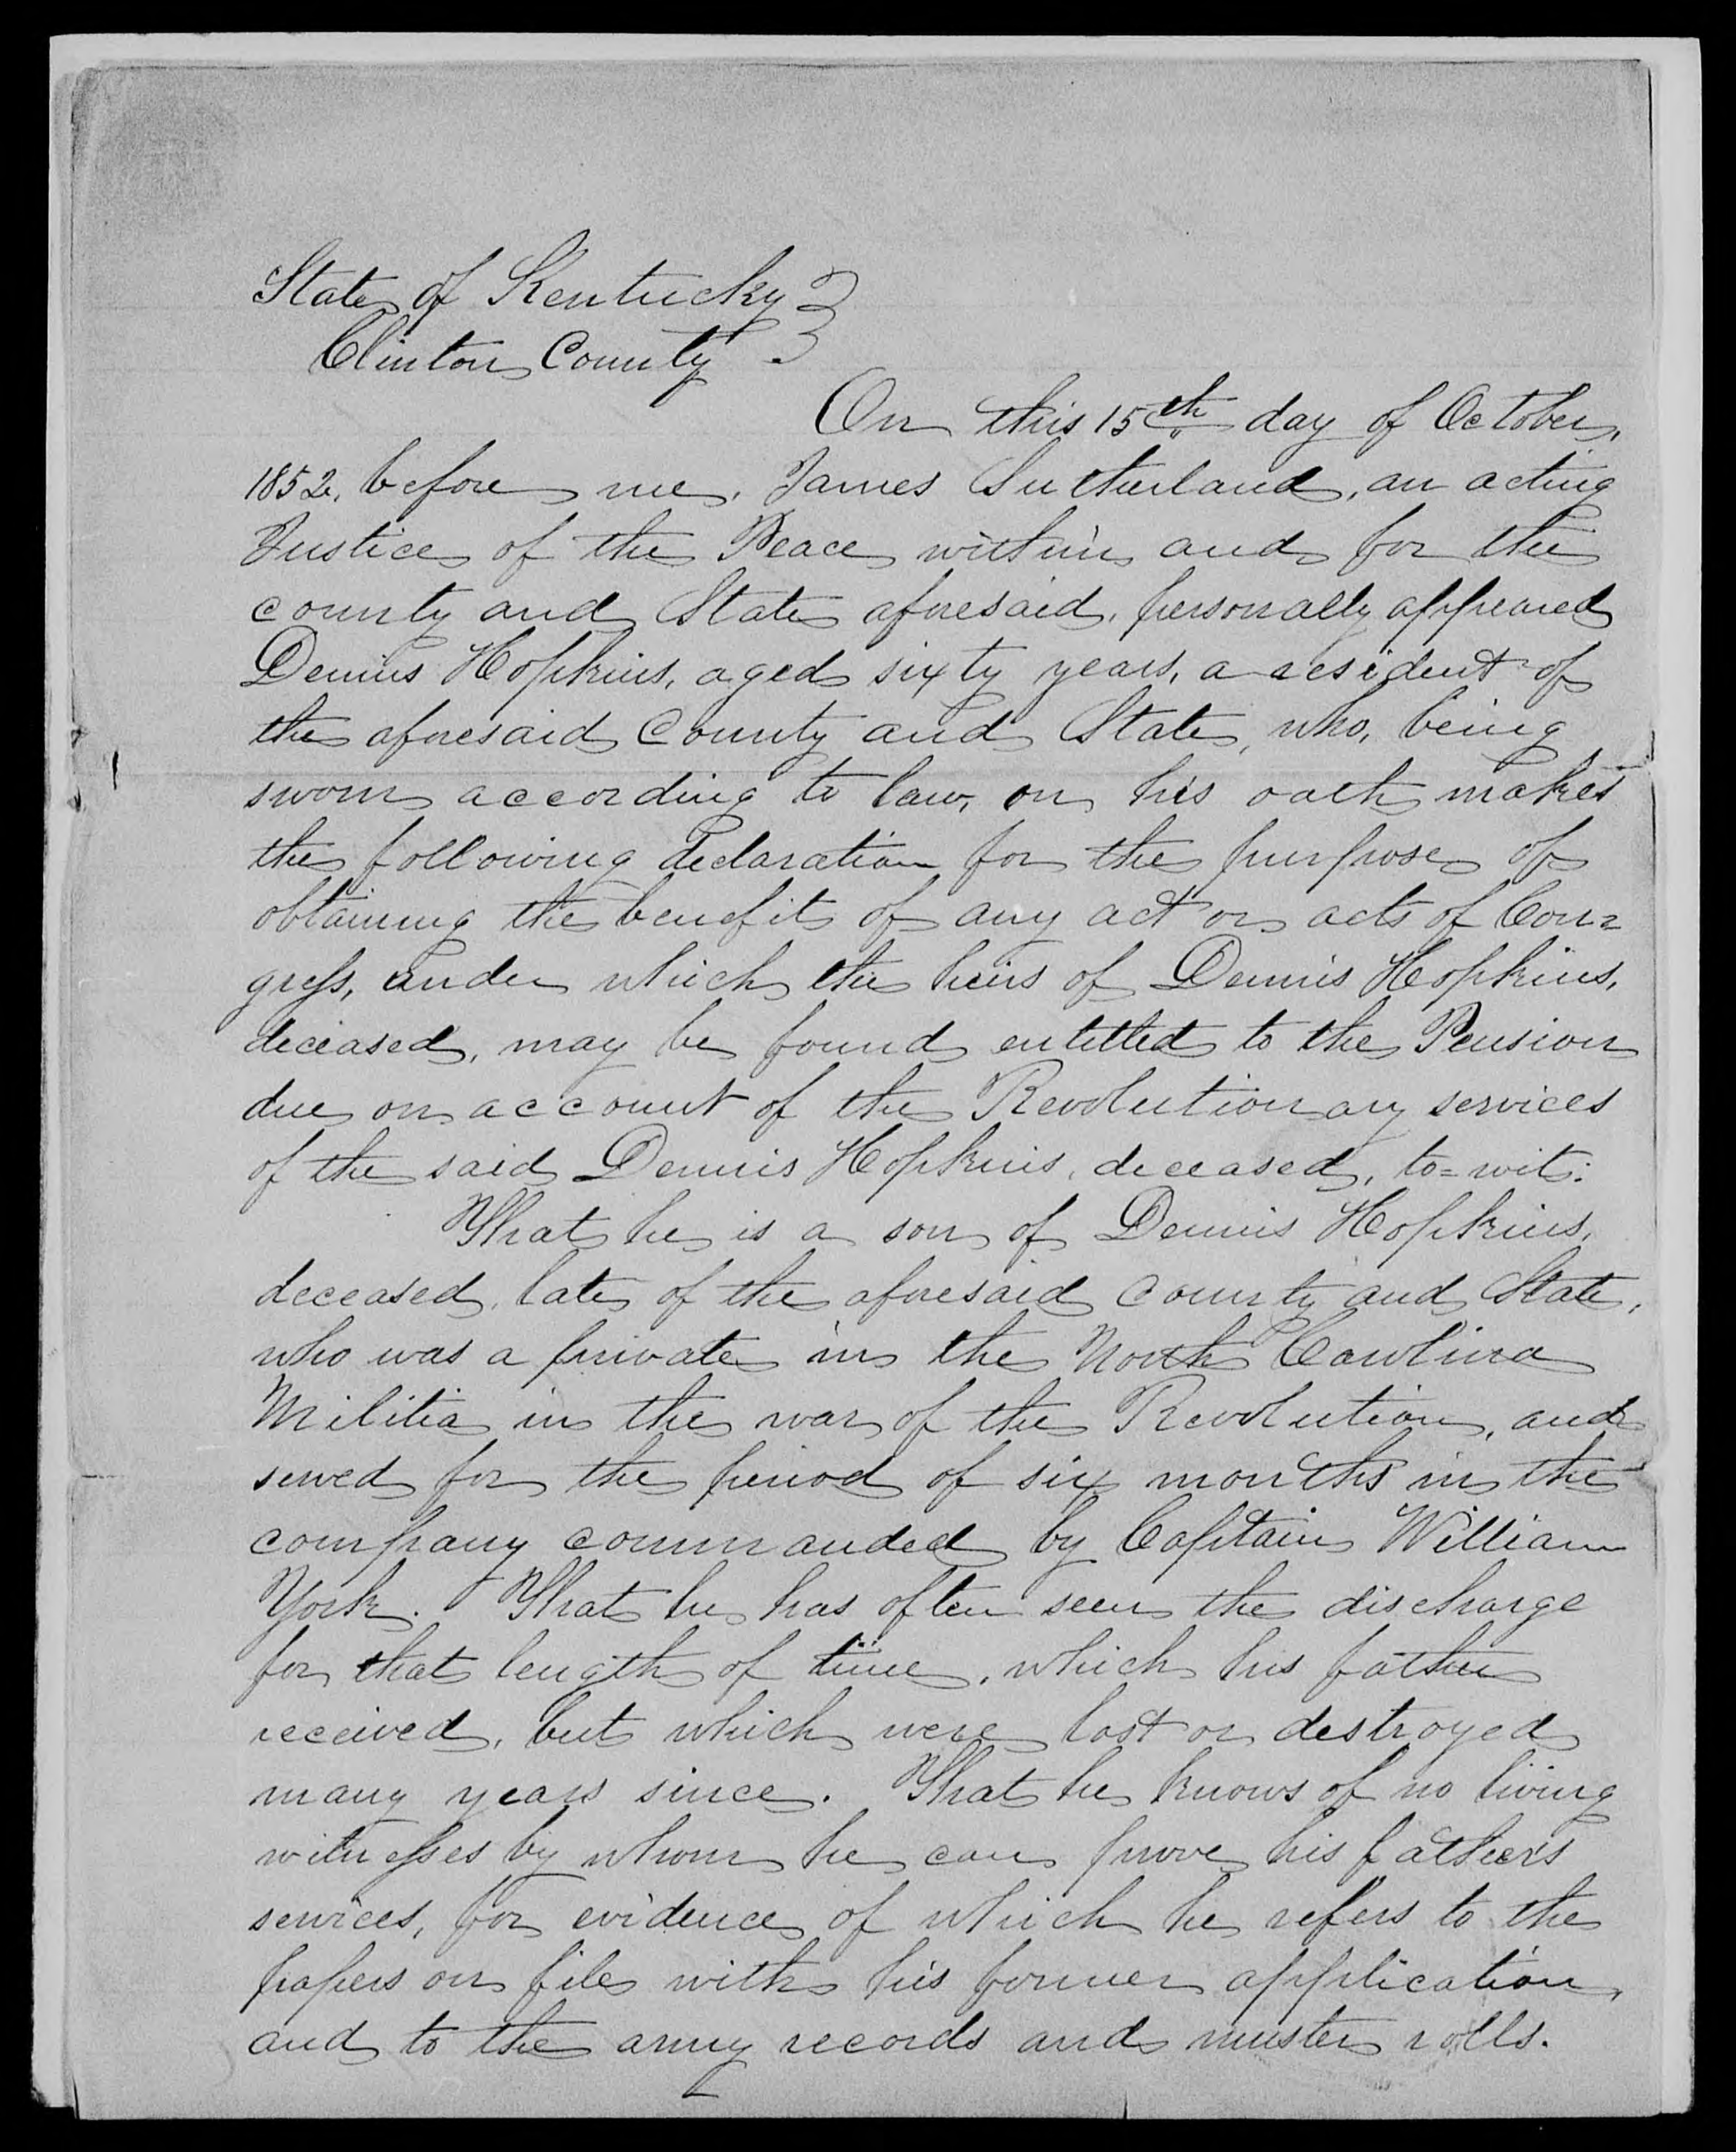State of Kentucky
Clinton County 

On this 15th day of October 1852, before me, James Sutherland, an acting Justice of the Peace with in and for the county and State aforesaid, personally appeared Dennis Hopkins, aged sixty years, a resident of the aforesaid County and State, who being sworn according to law, on his oath makes this following declaration for the purpose of obtaining the benefit of any act or acts of Congress under which this heirs of Dennis Hopkins deceased, may be found entitled to the Pension due on account of the Revolutionary service of the said Dennis Hopkins, deceased, to wit:

That he is a son of Dennis Hopkins, deceased late of the aforesaid county and State, who was a private in the North Carolina Militia in the war of the Revolution, and served for the period of six months in the company commanded by Captain William York. 

That he has often seen the discharge for that length of time, which his father received, but which were lost or destroyed many years since. That he knows of no living witness by whom he can prove his fathers service, for evidence of which he refers to the papers on file with his former application and to the army records and muster rolls.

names: William York, James Sutherland, Dennis Hopkins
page: 2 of 144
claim: rejected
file: R. 5208, Dennis Hopkins, N.C.